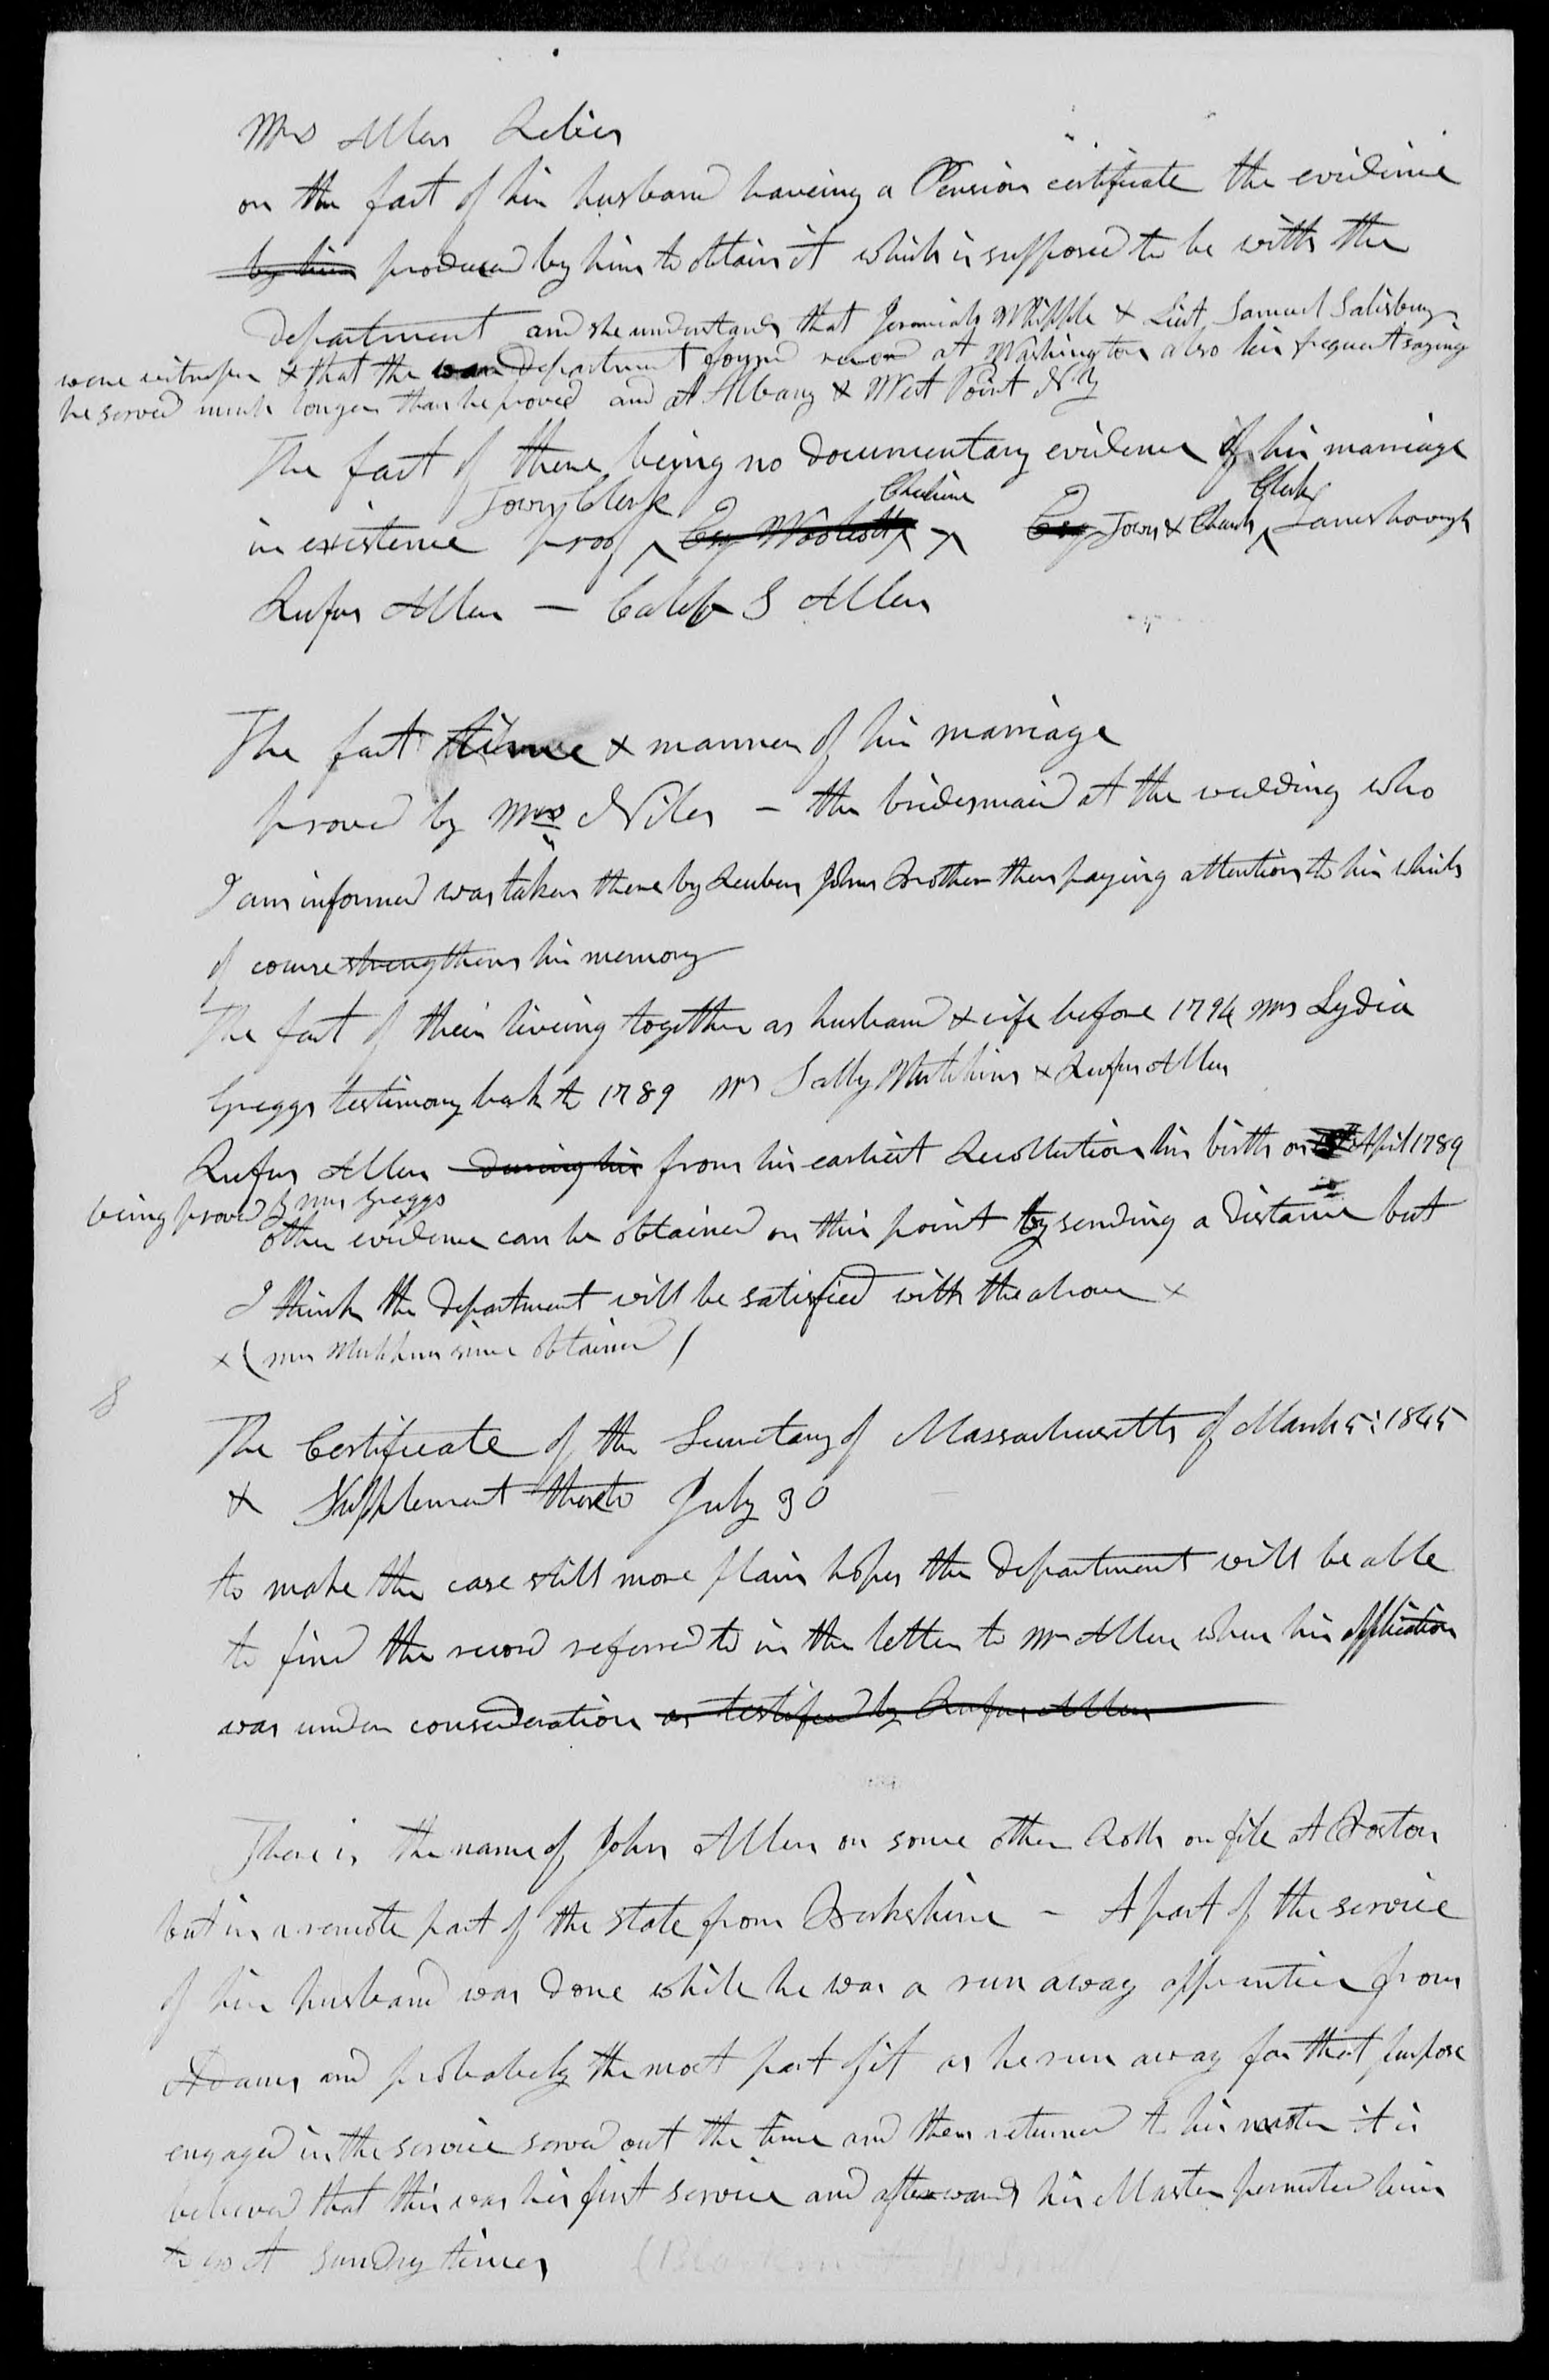Mrs Allen [illegible]
on the fact of her husband having a Pension certificate the evidence [illegible crossed out word] produced by him to obtain it which is supposed to be with the Department and she understands that Jeremiah Whipple & Lieut Samuel Salisbury were witnesses & that the war department found record at Washington also his frequent saying he served much longer than he proved and at Albany & West Point NY the part of there being no documentary evidence of his marriage in existence proof ^Town Clerk [illegible crossed out words]^Cheshire Town and Church ^Clerk Lanesborough 
Rufus Allen – Caleb S Allen
The fact time & manner of his marriage proved by Mrs Niles-- the bridesmaid at the wedding who I am informed was taken there by Reuben Johns Brother then paying attention to him [illegible] of course strengthens his memory 
the fact of their living together as husband & wife before 1794 Mrs Lydia Gregg testimony [illegible] 1789 or Sally Hutchins & Rufus Allen 
Rufus Allen [during his is crossed out] from his earliest recollection his birth of April 1789 being proved Lydia Greggs 
Other evidence can be obtained on this point by sending a [illegible] but I think the department will be satisfied with the above x
X (Mr. [illegible] has since obtained)
The Certificate of the Secretary of Massachusetts of March 5: 1845
X supplement there to July 30
to make the case still more plain hopes the department will be able to find the record referred to in the letter to Mr Allen when his application was under consideration [crossed out] as testified by Rufus Allen [/crossed out]
There is the name of John Allen on some other Roll on file at Boston in a remote part of the state from Berkshire - A part of the service of her husband was done while he was a runaway apprentice from Adams and probably the most part of it as he run away for that purpose engaged in the service served out the time and then returned to his master it is believed that this was his first service and afterwards his Master permitted him to go A sundry times (Blacksmith [illegible)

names: Caleb S Allen, Samuel Salisbury, Greggs, Allen, Rufus Allen, Lydia Greggs, Jeremiah Whipple, Sally Hutchins, Rufus Allen, Allen, John Allen, Niles, Rufus Allen, Reuben Johns, Rufus Allen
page: 64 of 74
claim: widow's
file: W. 23424, John Allen, Mass. R. I.